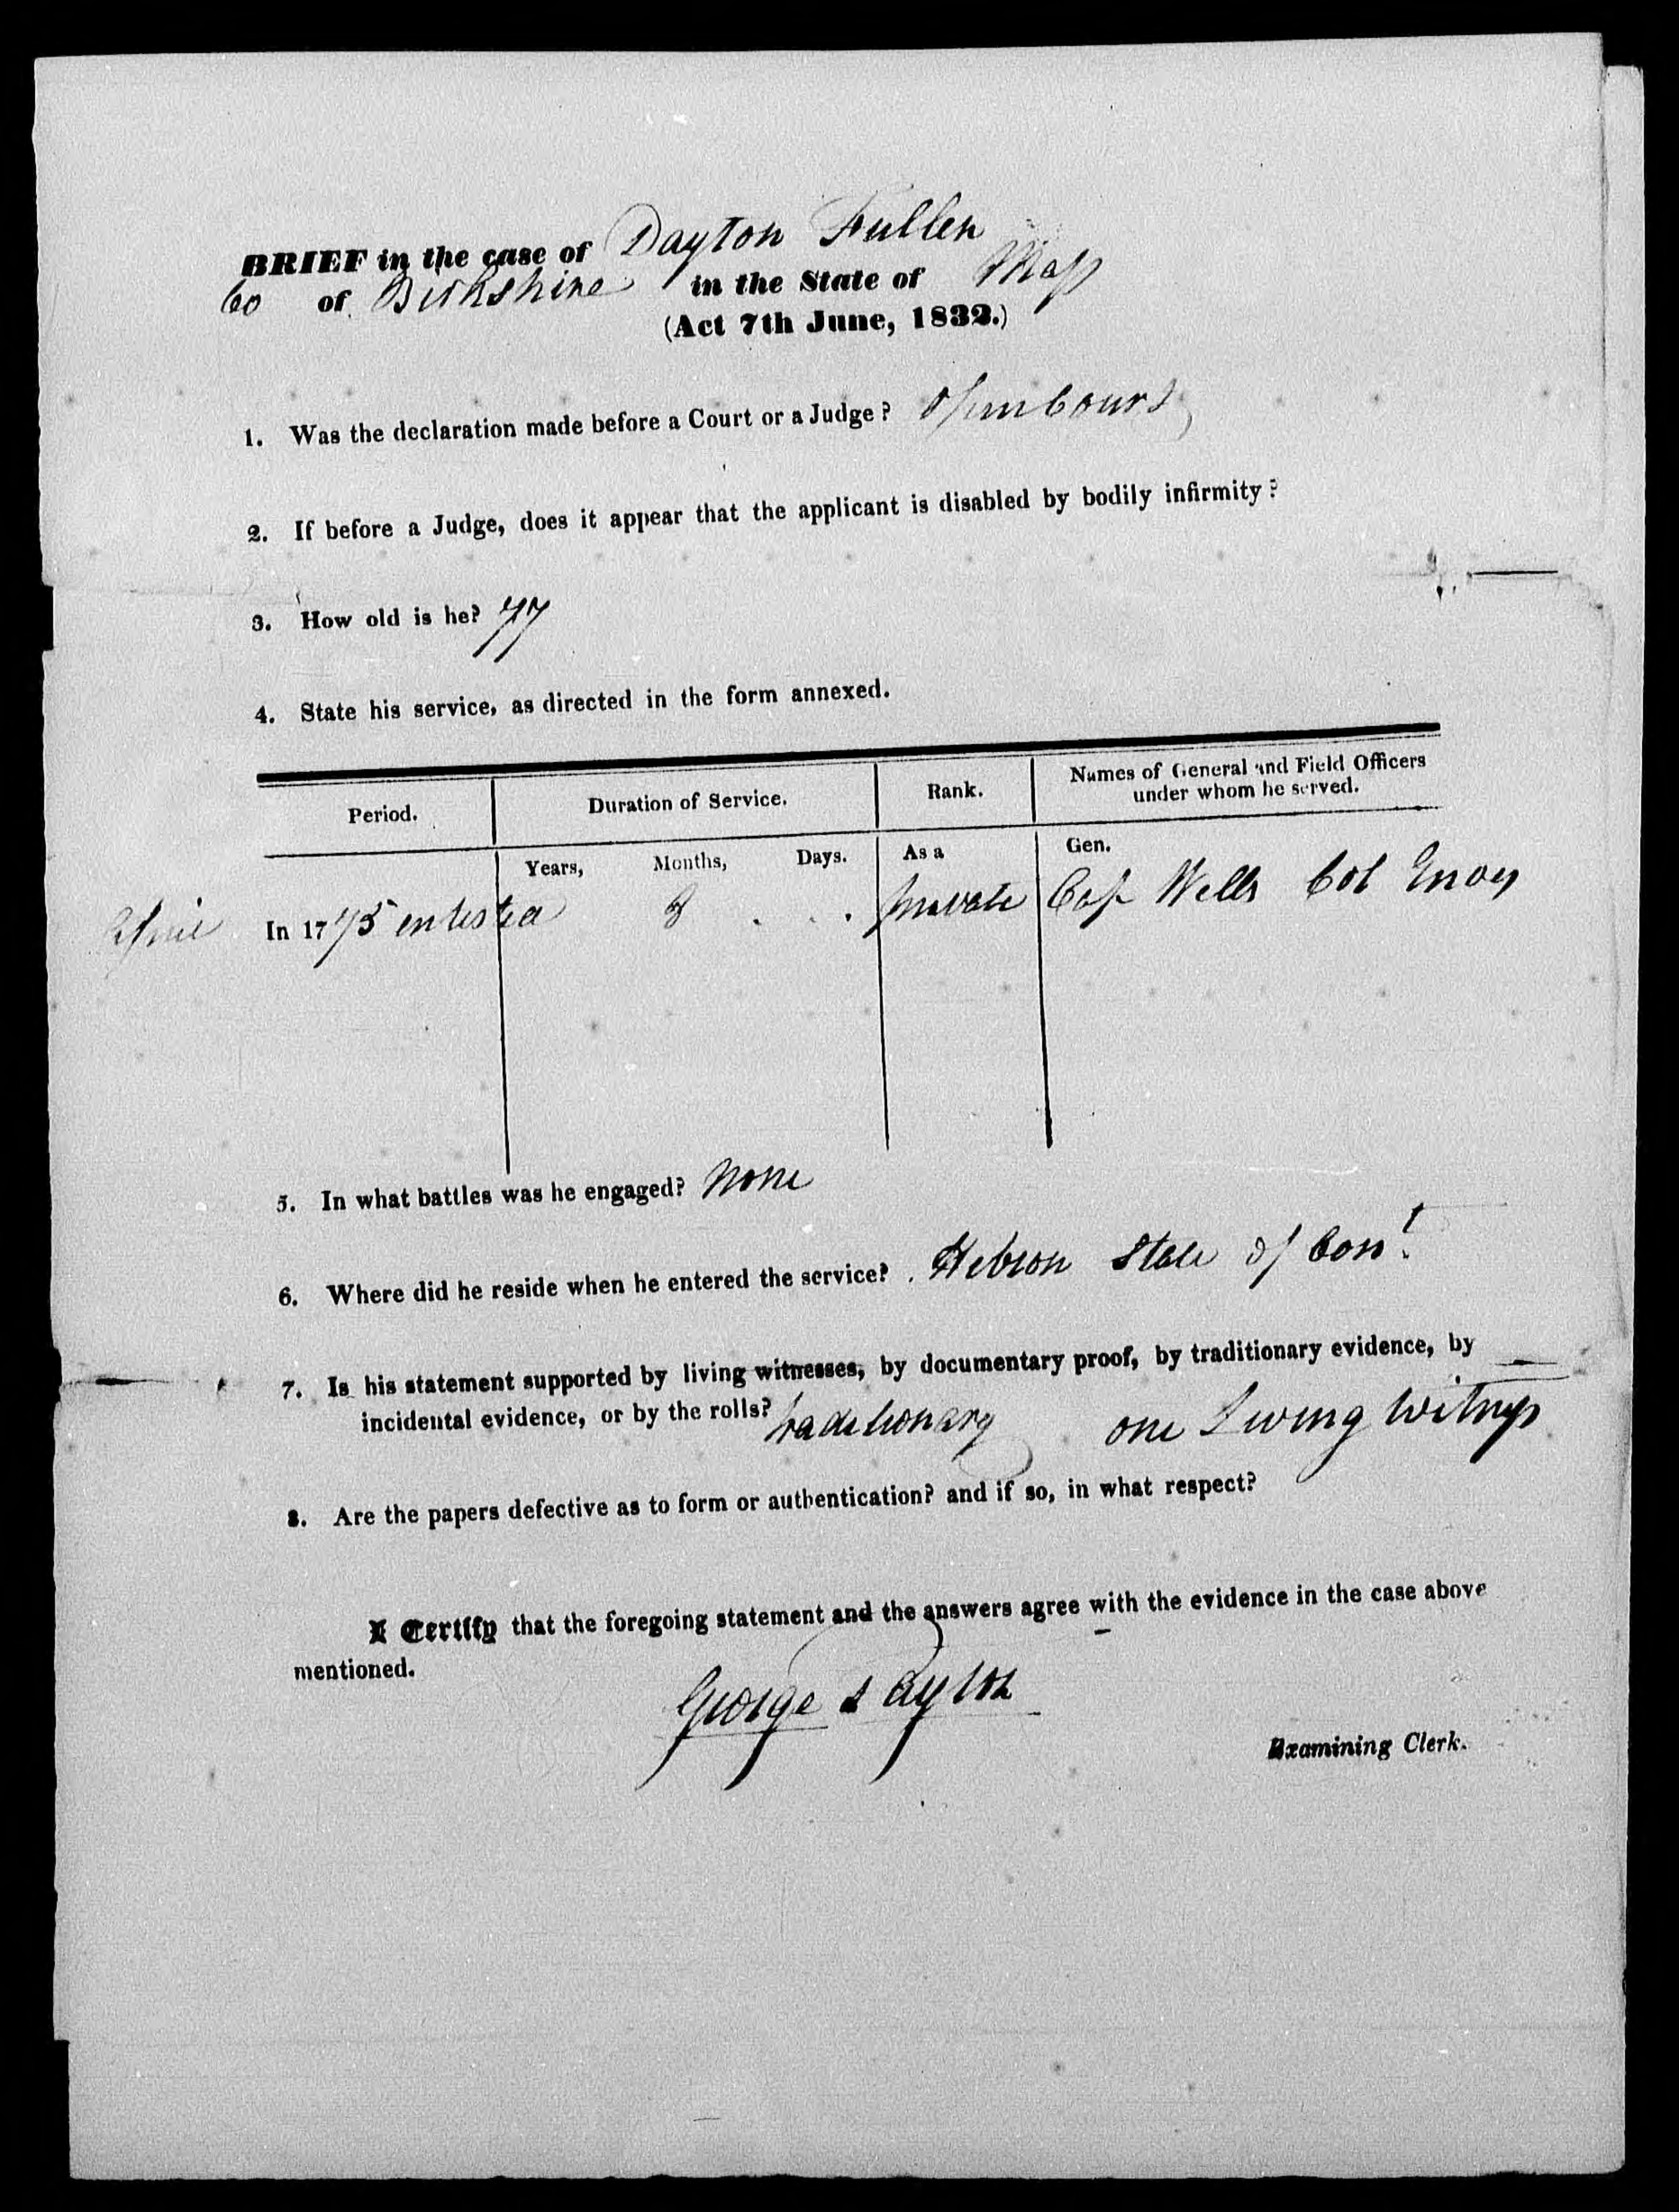BRIEF in the case of Dayton Fuller
Co of Berkshire in the State of Mass
(Act 7th June, 1832.)
1. Was the declaration made before a Court or a Judge? [illegible]
2. If before a Judge, does it appear that the applicant is disabled by bodily infirmity?
3. How old is he? 77
4. State his service, as directed in the form annexed.
Period. | Duration of Service. | | | Rank. | Names of General and Field Officers under whom he served.
| Years | Months | Days | As a | Gen.
April In 1775 enlisted | | 8 | | Private | Cap Wells Col Enos
5. In what battles was he engaged? none
6. Where did he reside when he entered the service? Hebron State of Cont.
7. Is his statement supported by living witnesses, by documentary proof, by traditionary evidence, by incidental evidence, or by the rolls? traditionary one living witness
8. Are the papers defective as to form or authentication? and if so, in what respect?
I Certify that the foregoing statement and answers agree with the evidence in the case above mentioned.
George Payton
Examining Clerk.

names: Dayton Fuller, George Payton, Wells, Enos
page: 4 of 15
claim: survivor's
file: S. 29,166, Dayton Fuller, Conn.